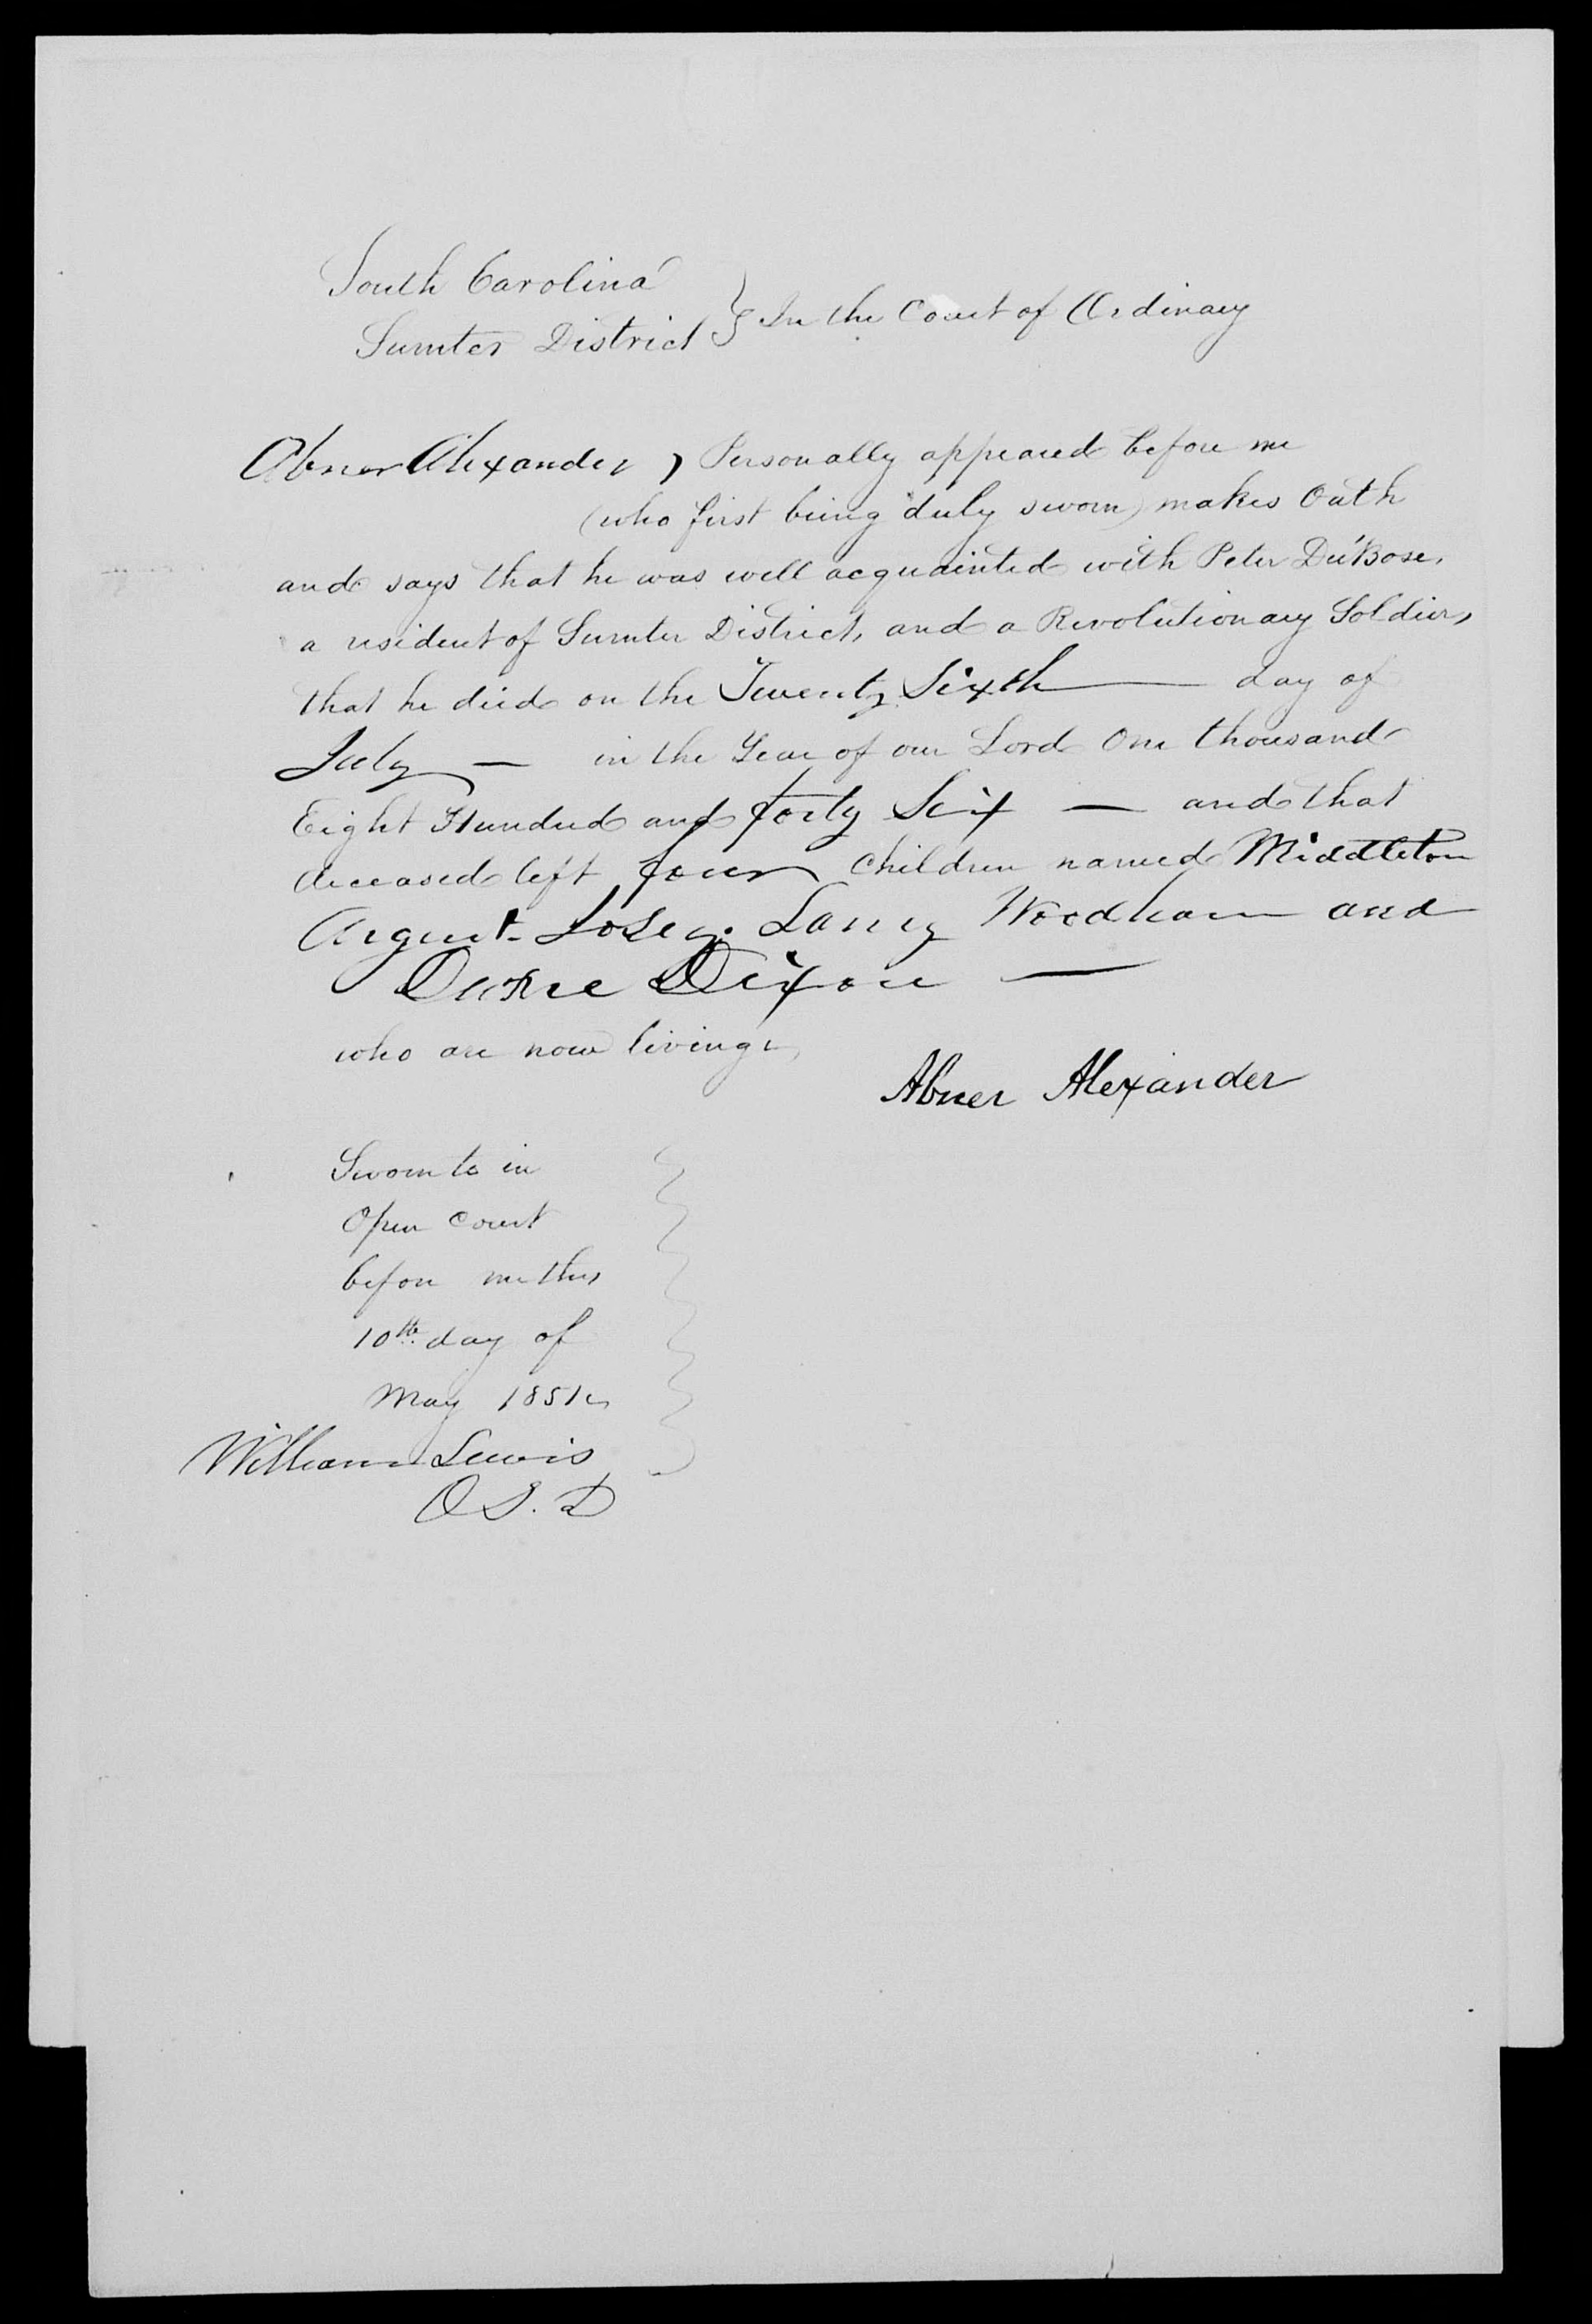[ South Carolina Sumter District ] In the Court of Ordinary  Abner Alexander  personally appeared before me  who first being duly sworn , makes oat and says that he was well acquainted with  Petr Dubose  a resident of  Sumter District  and a Revolutionary soldier that he died on the twenty sixth day of July in the year of our Lord one thousand eight hundred and  forty six and that deceased left four children named Middleton August,  Josie , Laney  Woodham and  Doxie Dixon who are now living. Abner Alexander ( signed ) Sworn to in open Court before me  this 10th day of May 1857. William Lewis ( signed ) OSD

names: Laney Woodham, Middleton, Abner Alexander, Argent Josey, Abner Alexander, William Lewis, Peter Du Bose, Dupre Dixon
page: 14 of 43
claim: survivor's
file: S. 21163, Peter Dubose, S.C.